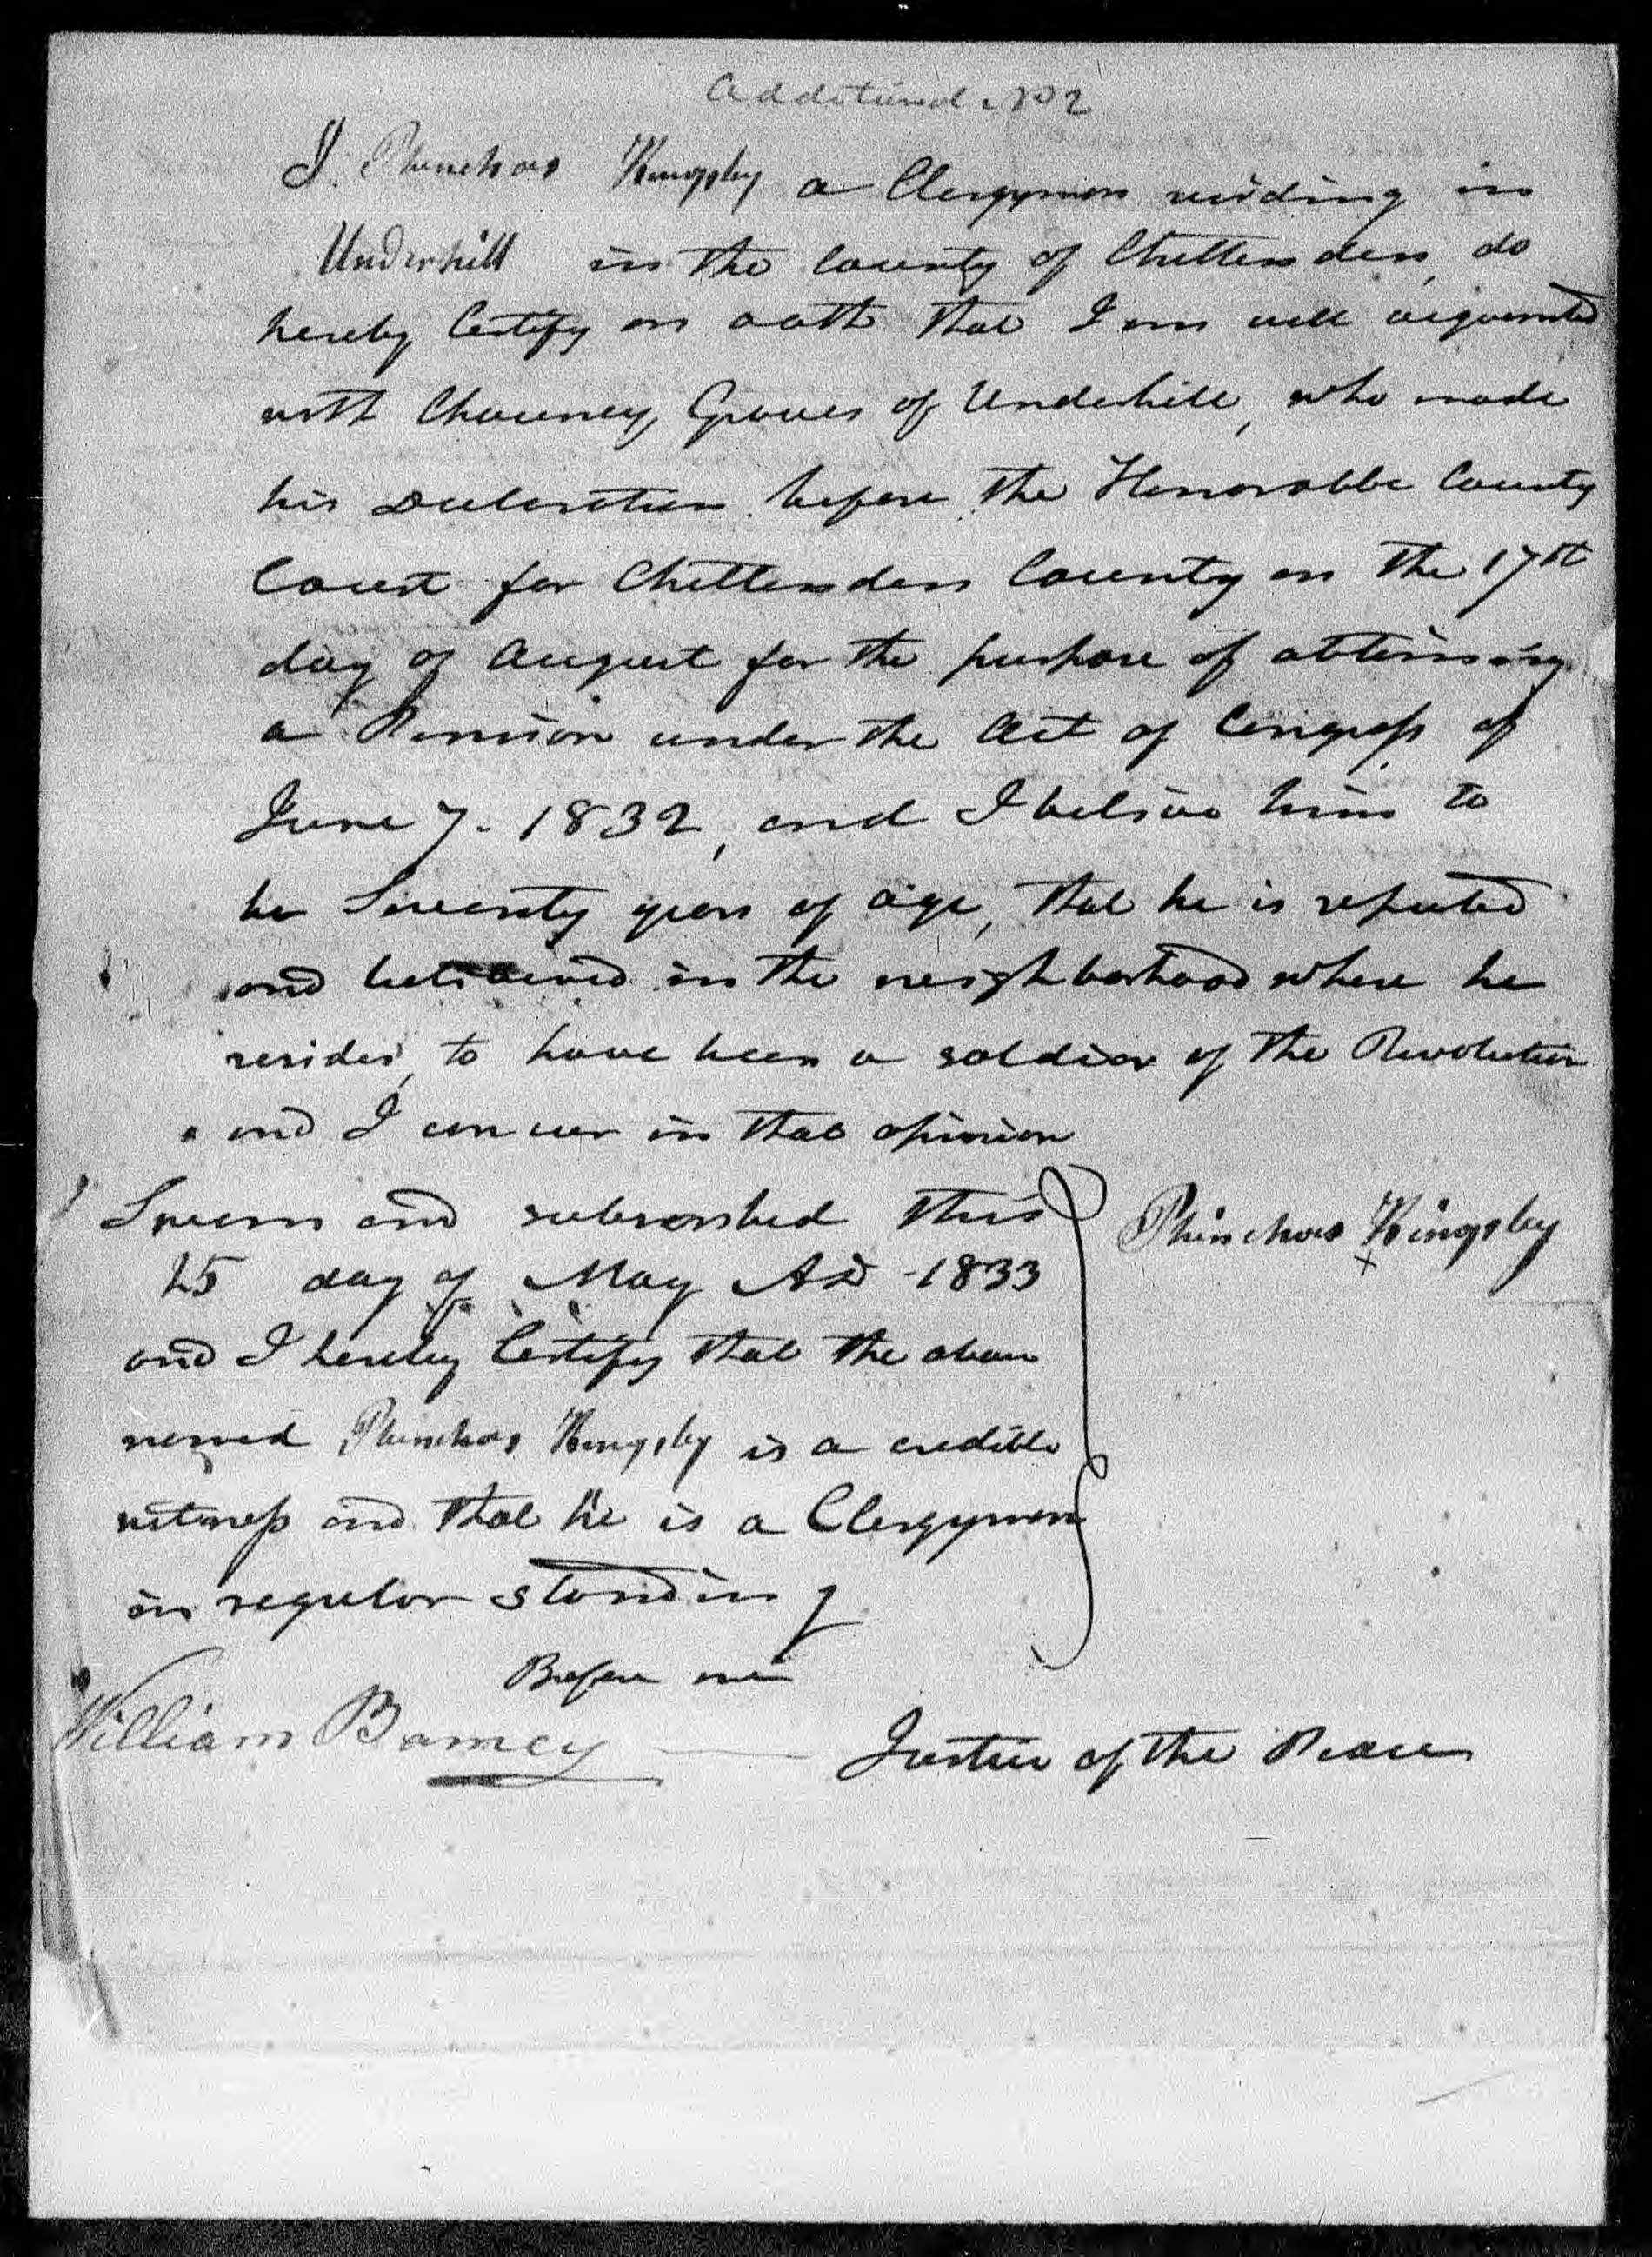Additional No 2
I Phinehas Kingsley Kingsley a Clergymen residing in Underhill in the County of Chittenden do hereby certify on oath that I am well acquainted with with Chauncy Graves of Underhill, who made his declaration before the Honorable Court for Chittenden County on the 17th day of August for the purpose of obtaining a Pension under the act of Congress
June 7, 1832 and I believe him be seventy years of age, that he is reputed and believed in the neighborhood where he resides to have been a soldier of the revolution and I concur in that opinion
Phinehas Kingsley
Sworn and subscribed this 25 day of May AD 1833 and I hereby certify that the above
named Phinehas Kingsley is a credible
witness and that he is a Clergyman in regular standing
Before me
William Barney  Justice of the Peace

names: William Barney, Phinehas Kingsley, Chauncy Graves, Phinehas Kingsley, Phinehas Kingsley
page: 15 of 24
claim: survivor's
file: S. 15869, Chauncey Graves, Vt.